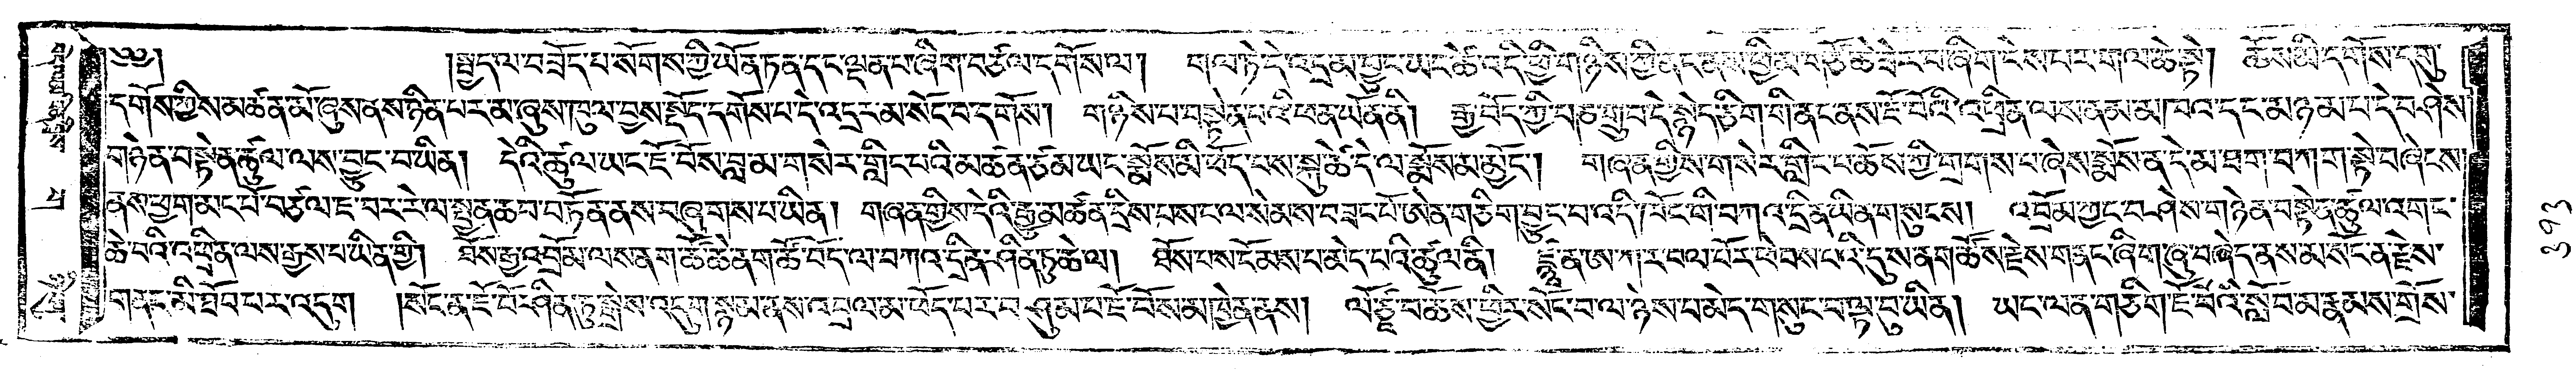༄༅། །སྤྱད་ལ་བཟོད་པ་སོགས་ཀྱི་ཡོན་ཏན་དང་ལྡན་པ་ཞིག་བཙལ་དགོས་ལ། གལ་ཏེ་དེ་འདྲ་མ་བྱུང་ཡང་ཚེ་འདི་ཕྱི་གཉིས་ཀྱི་ནང་ནས་ཕྱི་མ་གཙོ་ཆེ་ཟེར་བ་ཞིག་ངེས་པར་གལ་ཆེ་སྟེ། ཆོས་མི་དགོས་དགུ །
དགོས་ཀྱིས་མཚན་མོ་ཞུས་ནས་ཉིན་པར་མ་ཞུས་ཁུལ་བྱས་སྡོད་དགོས་པ་དེ་འདྲར་མ་སོང་བ་དགོས། གཉིས་པ་བསྟེན་པའི་ཕན་ཡོན་ནི། རྒྱ་བོད་ཀྱི་པཎ་གྲུབ་དེ་སྙེད་ཅིག་གི་ནང་ནས་ཇོ་བོའི་འཕྲིན་ལས་ནམ་མཁའ་དང་མཉམ་པ་དེ་བཤེས་
གཉེན་བསྟེན་ཚུལ་ལས་བྱུང་བ་ཡིན། དེའི་ཚུལ་ཡང་ཇོ་བོས་བླ་མ་གསེར་གླིང་པའི་མཚན་ཙམ་ཡང་སྨོས་མི་ཕོད་པས་སྐུ་ཚེ་དེ་ལ་སྨོས་མ་མྱོང་། གཞན་གྱིས་གསེར་གླིང་པ་ཆོས་ཀྱི་གྲགས་པ་ཞེས་སྨོས་ན་དེ་མ་ཐག་བཀག་སྟེ་བཞེངས་
ནས་ཕྱག་མང་པོ་བཙལ་ཇ་བར་རེལ་སྦྱན་ཆབ་བཏོན་ནས་བཞུགས་པ་ཡིན། གཞན་གྱིས་དེའི་རྒྱུ་མཚན་དྲིས་པ་སླང་ལ་སེམས་བཟང་པོ་ཨེན་གཅིག་བྱུང་བ་འདི་ཁོང་གི་བཀའ་དྲིན་ཡིན་གསུངས། འབྲོམ་ཀྱང་བཤེས་གཉེན་བསྟེན་ཚུལ་འགང་
ཆེ་བའི་འཕྲིན་ལས་རྒྱས་པ་ཡིན་གྱི། ཐོས་རྒྱ་འབྲོམ་ལས་ནག་ཚོ་ཆེ་ནག་ཚོ་བོད་ལ་བཀའ་དྲིན་ཤིན་ཏུ་ཆེ་ལ། ཐོས་བས་དོམས་པ་མེད་པའི་ཚུལ་ནི། ཛྙཱ་ན་ཨ་ཀར་བལ་པོར་ཕེབས་པའི་དུས་ནག་ཚོས་རྗེས་གནང་ཞིག་ཞུ་བཞེད་ནས་མ་སོང་ན་རྗེས་
གནང་མི་ཐོབ་པར་འདུག །སོང་ན་ཇོ་བོ་ཤིན་ཏུ་སྒྲེས་འདུག་སྙམ་ནས་འབྲལ་མ་ཕོད་པར་བཤུམ་པ་ཇོ་བོས་མཁྱེན་ནས། ལོ་ཙཱ་བ་ཆོས་ཕྱིར་སོང་བ་ལ་ཉས་བ་མེད་གསུང་བ་ལྟ་བུ་ཡིན། ཡང་ལན་གཅིག་ཇོ་བོའི་སློབ་མ་རྣམས་གྲོས་